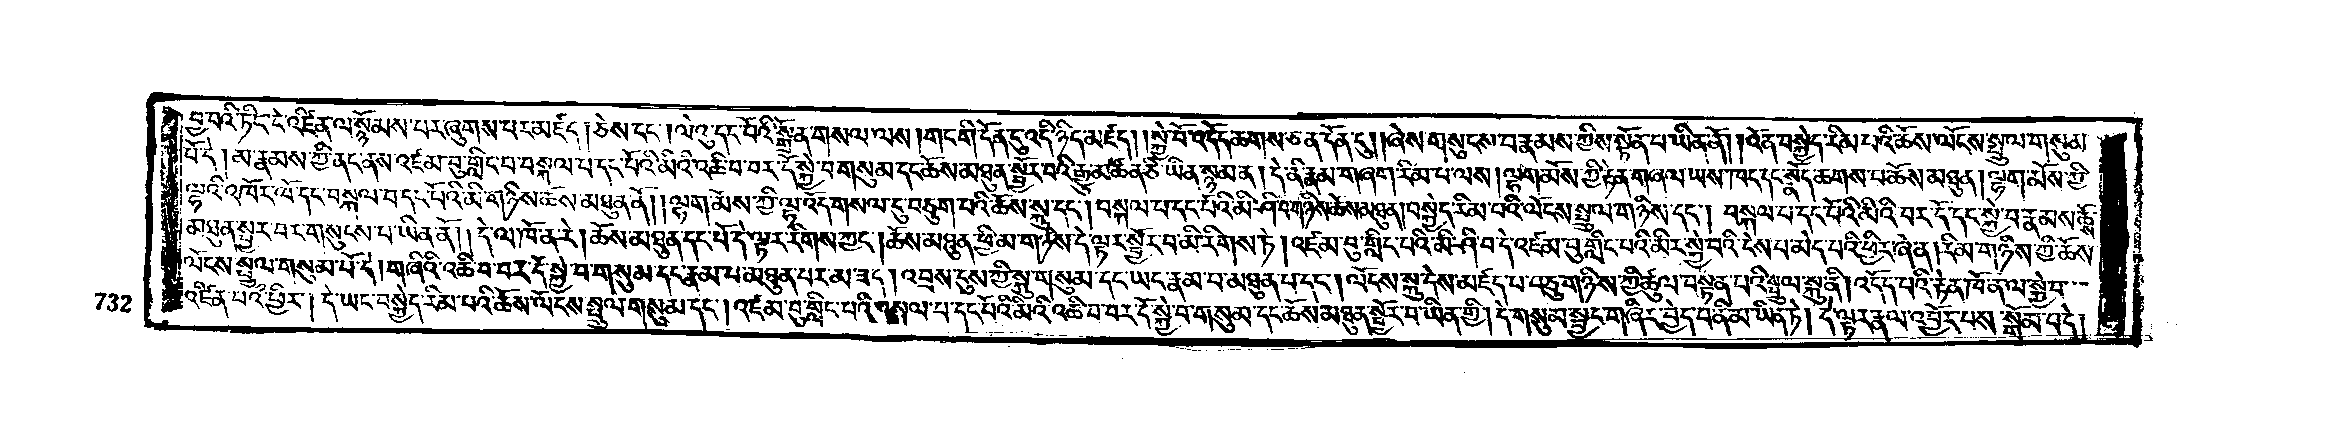བྱ་བའི་ཏིང་ངེ་འཛིན་ལ་སྙོམས་པར་ཞུགས་པར་མཛད། ཅེས་དང་། ལེའུ་དང་པོའི་སྒྲོན་གསལ་ལས། གང་གི་དོན་དུ་འདི་ཉིད་མཛད། །སྐྱེ་བོ་འདོད་ཆགས་ཅན་དོན་དུ། །ཞེས་གསུངས་པ་རྣམས་ཀྱིས་སྟོན་པ་ཡིན་ནོ། །འོ་ན་བསྐྱེད་རིམ་པའི་ཆོས་ལོངས་སྤྲུལ་གསུམ་
པོ་དེ། མི་རྣམས་ཀྱི་ནང་ནས་འཛམ་བུ་གླིང་པ་བསྐལ་པ་དང་པོའི་མིའི་འཆི་བ་བར་དོ་སྐྱེ་བ་གསུམ་དང་ཆོས་མཐུན་སྦྱོར་བའི་རྒྱུ་མཚན་ཅི་ཡིན་སྙམ་ན། དེ་ནི་རྣམ་གཞག་རིམ་པ་ལས། ལྷག་མོས་ཀྱི་རྟེན་གཞལ་ཡས་ཁང་དང་སྣོད་ཆགས་བ་ཆོས་མཐུན། ལྷག་མོས་ཀྱི་
ལྷའི་འཁོར་ལོ་དང་བསྐལ་བ་དང་པོའི་མི་གཉིས་ཆོས་མཐུན་ནོ། །ལྷག་མོས་ཀྱི་ལྷ་འོད་གསལ་དུ་བཅུག་པའི་ཆོས་སྐུ་དང་། བསྐལ་པ་དང་པོའི་མི་ཤི་བ་གཉིས་ཆོས་མཐུན། བསྐྱེད་རིམ་པའི་ལོངས་སྤྲུལ་གཉིས་དང་། བསྐལ་པ་དང་པོའི་མིའི་བར་དོ་དང་སྐྱེ་བ་རྣམས་ཆོས་
མཐུན་སྦྱར་བར་གསུངས་པ་ཡིན་ནོ། །དེ་ལ་ཁོ་ན་རེ། ཆོས་མཐུན་དང་པོ་དེ་ལྟར་རིགས་ཀྱང་། ཆོས་མཐུན་ཕྱི་མ་གཉིས་དེ་ལྟར་སྦྱོར་བ་མི་རིགས་ཏེ། འཛམ་བུ་གླིང་པའི་མི་ཤི་བ་དེ་འཛམ་བུ་གླིང་བའི་མིར་སྐྱེ་བའི་ངེས་པ་མེད་པའི་ཕྱིར་ཞེ་ན། རིམ་གཉིས་ཀྱི་ཆོས་
ལོངས་སྤྲུལ་གསུམ་པོ་དེ། གཞིའི་འཆི་བ་བར་དོ་སྐྱེ་བ་གསུམ་དང་རྣམ་པ་མཐུན་པར་མ་ཟད། འབྲས་དུས་ཀྱི་སྐུ་གསུམ་དང་ཡང་རྣམ་པ་མཐུན་པ་དང་། ལོངས་སྐུ་དེས་མཛད་པ་བཅུ་གཉིས་ཀྱི་ཚུལ་བསྟན་པའི་སྤྲུལ་སྐུ་ནི། འདོད་པའི་རྟེན་ཁོ་ན་ལ་སྐྱེ་བ་
འཛིན་པའི་ཕྱིར། དེ་ཡང་བསྐྱེད་རིམ་པའི་ཆོས་ལོངས་སྤྲུལ་གསུམ་དང་། འཛམ་བུ་གླིང་པའི་བསྐལ་པ་དང་པོའི་མིའི་འཆི་བ་བར་དོ་སྐྱེ་བ་གསུམ་དང་ཆོས་མཐུན་སྦྱོར་བ་ཡིན་གྱི། དེ་གསུམ་སྦྱང་གཞིར་བྱེད་པ་ནི་མ་ཡིན་ཏེ། དེ་ལྟར་རྣལ་འབྱོར་པས་སྒོམ་པ་དེ།